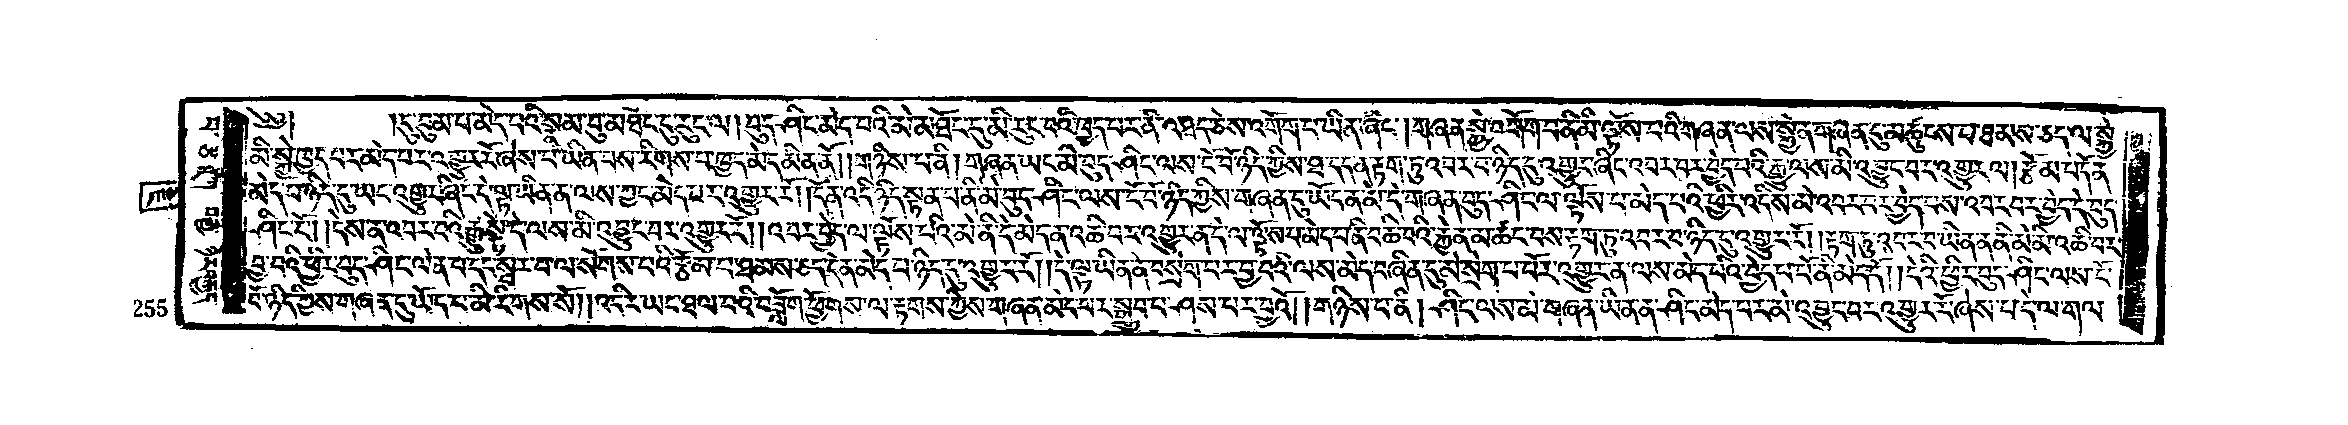༄༅། །དུ་བུམ་པ་མེད་པའི་སྣམ་བུ་མཐོང་དུ་རུང་ལོ། །བུད་ཤིང་མེད་པའི་མེ་མཐོང་དུ་མི་རུང་བའི་ཁྱད་པར་མི་འཐད་ཅེས་འགོག་པ་ཡིན་ཞིང་། གཞན་སྐྱེ་འགོག་པ་ནི་མི་ལྟོས་པའི་གཞན་ལས་སྐྱེན་གཞན་དུ་མཚུངས་པ་ཐམས་ཅད་ལ་སྐྱེ་
མི་སྐྱེ་ཁྱད་པར་མེད་པར་འགྱུར་རོ་ཞེས་པ་ཡིན་པས་རིགས་པ་ཁྱད་མེད་མིན་ནོ། །གཉིས་པ་ནི། གཞན་ཡང་མེ་བུད་ཤིང་ལས་ངོ་བོ་ཉིད་ཀྱིས་ཐ་དད་ན་རྟེག་ཏུ་འབར་བ་ཉིད་དུ་འགྱུར་ཞིང་འབར་བར་བྱེད་པའི་རྒྱུ་ལས་མི་འབྱུང་བར་འགྱུར་ལ། རྩོམ་པ་དོན་
མེད་པ་ཉིད་དུ་ཡང་འགྱུར་ཞིང་དེ་ལྟ་ཡིན་ན་ལས་ཀྱང་མེད་པར་འགྱུར་རོ། །དོན་འདི་ཉིད་སྟན་པ་ནི་མེ་བུད་ཤིང་ལས་ངོ་བོ་ཉིད་ཀྱིས་གཞན་དུ་ཡོད་ན་མེ་དེ་གཞན་བུད་ཤིང་ལ་ལྟོས་པ་མེད་པའི་ཕྱིར་འདིས་མེ་འབར་བར་བྱེད་པས་འབར་བར་བྱེད་དེ་བུད་
ཤིང་ངོ། །དེས་ན་འབར་བའི་རྒྱུ་སྟེ་དེ་ལས་མི་འབྱུང་བར་འགྱུར་རོ། །འབར་བྱེད་ལ་ལྟོས་པའི་མེ་ནི་དེ་མེད་ན་འཆི་བར་འགྱུར་ན་དེ་ལ་ལྟོས་པ་མེད་པ་ནི་འཆི་བའི་རྐྱེན་མ་ཚང་བས་རྟག་ཏུ་འབར་བ་ཉིད་དུ་འགྱུར་རོ། །རྟག་ཏུ་འབར་བ་ཡིན་ན་ནི་མེ་མི་འཆི་བར་
བྱ་བའི་ཕྱིར་བུད་ཤིང་ལེན་པ་དང་སྦར་བ་ལ་སོགས་པའི་རྩོམ་པ་ཐམས་ཅད་དོན་མེད་པ་ཉིད་དུ་འགྱུར་རོ། །དེ་ལྟ་ཡིན་ན་བསྲེག་པར་བྱ་བའི་ལས་མེད་བཞིན་དུ་མེ་སྲེག་པ་པོར་འགྱུར་ན་ལས་མེད་པའི་བྱེད་པ་པོ་ནི་མེད་དོ། །དེའི་ཕྱིར་བུད་ཤིང་ལས་ངོ་
བོ་ཉིད་ཀྱིས་གཞན་དུ་ཡོད་པ་མི་རིགས་སོ། །འདིར་ཡང་ཐལ་བའི་བཟློག་ཕྱོགས་ལ་རྟགས་ཀྱིས་གཞན་མེད་པར་སྒྲུབ་པ་ཤས་པར་བྱའོ། །གཉིས་པ་ནི། ཤིང་ལས་མེ་གཞན་ཡིན་ན་ཤིང་མེད་པར་མེ་འབྱུང་བར་འགྱུར་རོ་ཞེས་པ་དེ་ལ་གལ་